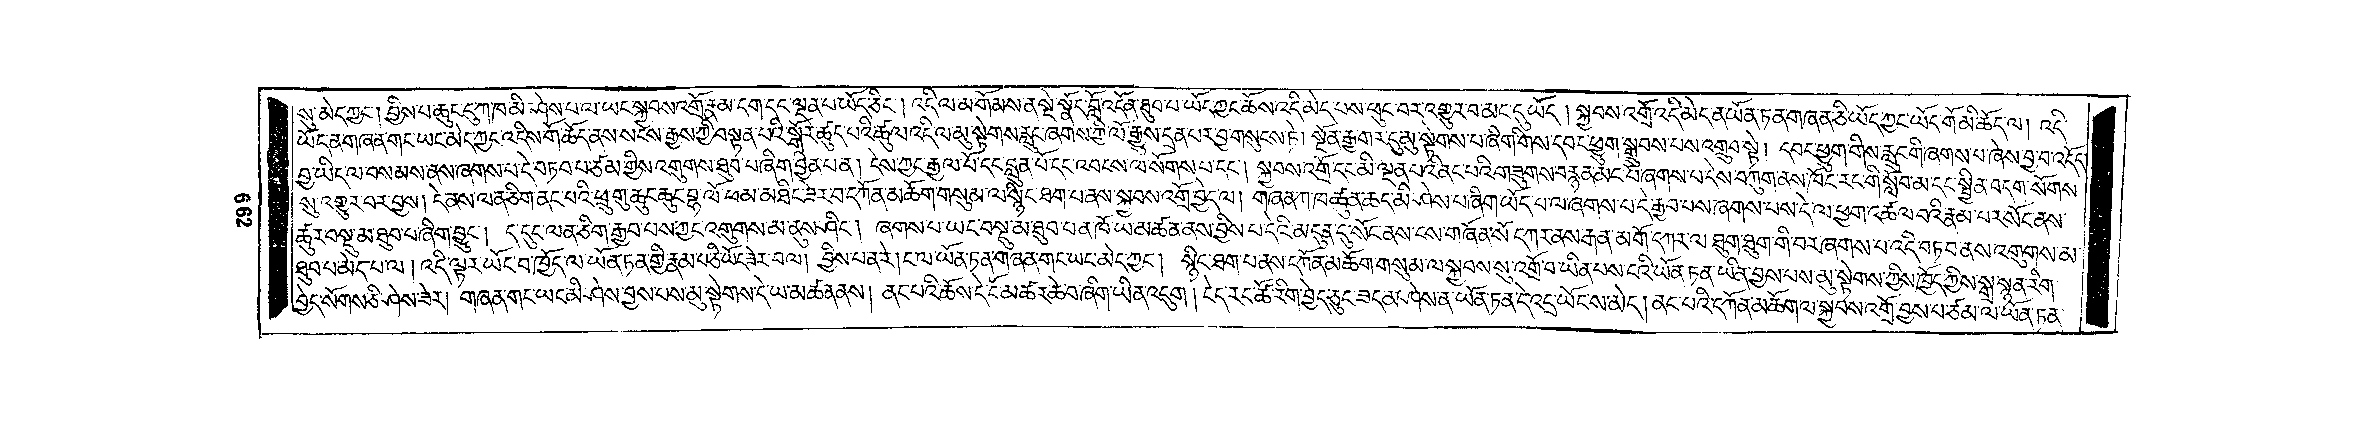སུ་མེད་ཀྱང་། བྱིས་པ་ཆུང་དུ་ཀ་ཁ་མི་ཤེས་པ་ལ་ཡང་སྐྱབས་འགྲོ་རྣམ་དག་དང་ལྡན་པ་ཡོད་ཅིང་། འདི་ལ་མ་གོམས་ན་སྡེ་སྣོད་བློ་འདོན་ཐུབ་པ་ཡོད་ཀྱང་ཆོས་འདི་མེད་པས་ཕུང་བར་འགྱུར་བ་མང་དུ་ཡོད། སྐྱབས་འགྲོ་འདི་མེད་ན་ཡོན་ཏན་གཞན་ཅི་ཡོད་ཀྱང་ཡོད་གོ་མི་ཆོད་ལ། འདི་
ཡོད་ན་གཞན་གང་ཡང་མེད་ཀྱང་འདིས་གོ་ཆོད་ནས་སངས་རྒྱས་ཀྱི་བསྟན་པའི་སྒོར་ཚུད་པའི་ཚུལ་འདི་ལ་མུ་སྟེགས་རླུང་ཞགས་ཀྱི་ལོ་རྒྱུས་དྲན་པར་བྱ་གསུངས་ཏེ། སྔོན་རྒྱ་གར་དུ་མུ་སྟེགས་པ་ཞིག་གིས་དབང་ཕྱུག་སྒྲུབས་པས་འགྲུབ་སྟེ། དབང་ཕྱུག་གིས་རླུང་གི་ཞགས་པ་ཞེས་བྱ་བ་འདོད་
བྱ་ཡིད་ལ་བསམས་ནས་ཞགས་པ་དེ་བཏབ་པ་ཙམ་གྱིས་འགུགས་ཐུབ་པ་ཞིག་བྱིན་པ་ན། དེས་ཀྱང་རྒྱལ་པོ་དང་བླུན་པོ་དང་འབངས་ལ་སོགས་པ་དང་། སྐྱབས་འགྲོ་དང་མི་ལྡན་པའི་ནང་པའི་གཟུགས་བརྙན་མང་པོ་ཞགས་པ་དེས་བཀུག་ནས་ཁོང་རང་གི་སློབ་མ་དང་སྦྱིན་བདག་སོགས་
སུ་འགྱུར་བར་བྱས། དེ་ནས་ལན་ཅིག་ནང་པའི་ཕྲུ་གུ་ཆུང་ཆུང་བྷ་ལོ་ཕམ་མཐིང་ཟེར་བ་དཀོན་མཆོག་གསུམ་ལ་སྙིང་ཐག་པ་ནས་སྐྱབས་འགྲོ་བྱེད་ལ། གཞན་ཀ་ཁ་ཚུན་ཆད་མི་ཤེས་པ་ཞིག་ཡོད་པ་ལ་ཞགས་པ་དེ་རྒྱབ་པས་ཞགས་པས་དེ་ལ་ཕྱག་འཚལ་བའི་རྣམ་པར་སོང་ནས་
ཚུར་བསྡུ་མ་ཐུབ་པ་ཞིག་བྱུང་། ད་དུང་ལན་ཅིག་རྒྱབ་པས་ཀྱང་འགུགས་མ་ནུས་ཤིང་། ཞགས་པ་ཡང་བསྡུ་མ་ཐུབ་པ་ན་ཁོ་ཡ་མཚན་ནས་བྱིས་པ་དེའི་མདུན་དུ་སོང་ནས་ངས་གཞོན་སོ་དཀར་ནས་རྒན་མགོ་དཀར་ལ་ཐུག་ཐུག་གི་བར་ཞགས་པ་འདི་བཏབ་ནས་འགུགས་མ་
ཐུབ་པ་མེད་པ་ལ། འདི་ལྟར་ཡོང་བ་ཁྱོད་ལ་ཡོན་ཏན་གྱི་རྣམ་པ་ཅི་ཡོད་ཟེར་བ་ལ། བྱིས་པ་ན་རེ། ང་ལ་ཡོན་ཏན་གཞན་གང་ཡང་མེད་ཀྱང་། སྙིང་ཐག་པ་ནས་དཀོན་མཆོག་གསུམ་ལ་སྐྱབས་སུ་འགྲོ་བ་ཡིན་པས་ངའི་ཡོན་ཏན་ཡིན་བྱས་པས་མུ་སྟེགས་ཀྱིས་ཁྱོད་ཀྱིས་སྒྲ་སྙན་རིག་
བྱེད་སོགས་ཅི་ཤེས་ཟེར། གཞན་གང་ཡང་མི་ཤེས་བྱས་པས་མུ་སྟེགས་དེ་ཡ་མཚན་ནས། ནང་པའི་ཆོས་དེ་ངོ་མཚར་ཆེ་བ་ཞིག་ཡིན་འདུག །ངེད་རང་ཚོ་རིག་བྱེད་ཅུང་ཟད་མ་ཤེས་ན་ཡོན་ཏན་དེ་འདྲ་ཡོང་ས་མེད། ནང་པའི་དཀོན་མཆོག་ལ་སྐྱབས་འགྲོ་བྱས་པ་ཙམ་ལ་ཡོན་ཏན་